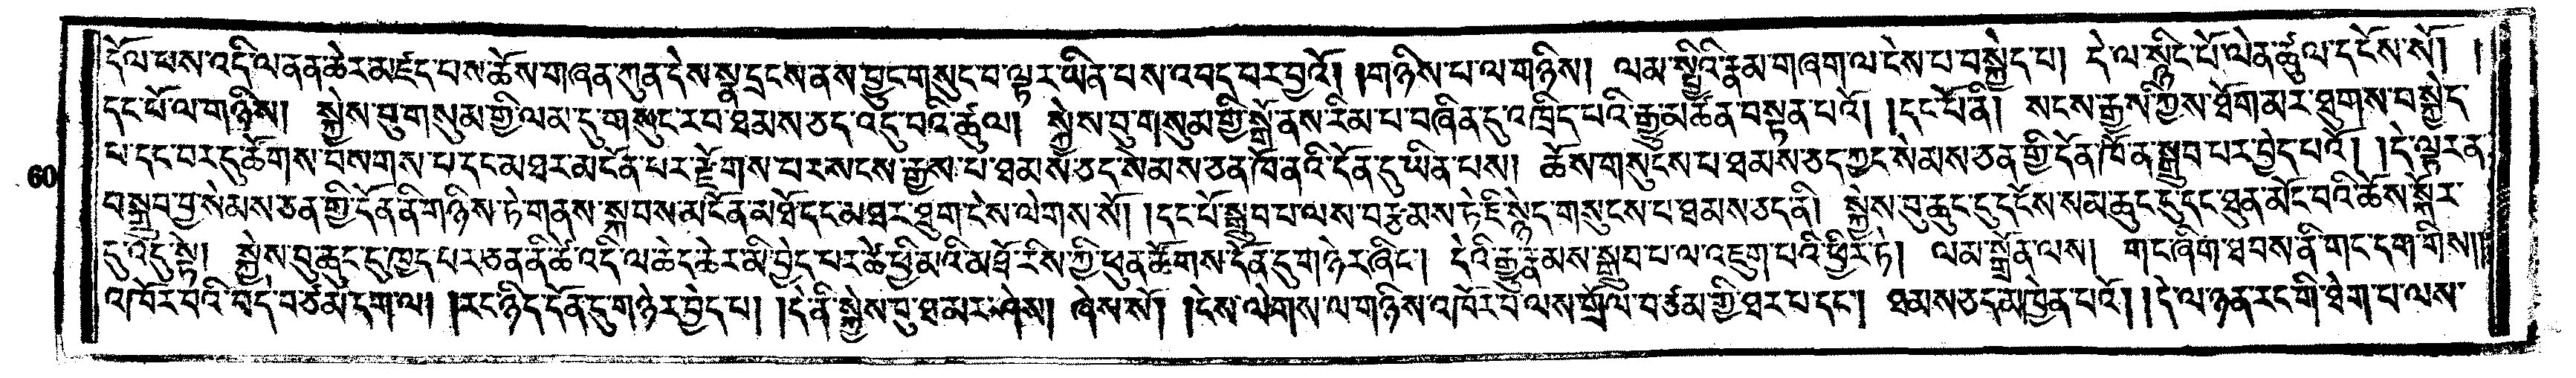དོལ་ཕས་འདི་ལ་ནན་ཆེར་མཛད་པས་ཆོས་གཞན་ཀུན་དེས་སྣ་དྲངས་ནས་བྱུང་གསུང་བ་ལྟར་ཡིན་པས་འབད་པར་བྱའོ། །གཉིས་པ་ལ་གཉིས། ལམ་སྤྱིའི་རྣམ་གཞག་ལ་ངེས་པ་བསྐྱེད་པ། དེ་ལ་སྙིང་པོ་ལེན་ཚུལ་དངོས་སོ། །
དང་པོ་ལ་གཉིས། སྐྱེས་བུ་གསུམ་གྱི་ལམ་དུ་གསུང་རབ་ཐམས་ཅད་འདུ་བའི་ཚུལ། སྐྱེས་བུ་གསུམ་གྱི་སྒོ་ནས་རིམ་པ་བཞིན་དུ་འཁྲིད་པའི་རྒྱུ་མཚན་བསྟན་པའོ། །དང་པོ་ནི། སངས་རྒྱས་ཀྱིས་ཐོག་མར་ཐུགས་བསྐྱེད་
པ་དང་བར་དུ་ཚོགས་བསགས་པ་དང་མཐར་མངོན་པར་རྫོགས་པར་སངས་རྒྱས་པ་ཐམས་ཅད་སེམས་ཅན་ཁོ་ནའི་དོན་དུ་ཡིན་པས། ཆོས་གསུངས་པ་ཐམས་ཅད་ཀྱང་སེམས་ཅན་གྱི་དོན་ཁོ་ན་སྒྲུབ་པར་བྱེད་པའོ། །དེ་ལྟར་ན་
བསྒྲུབ་བྱ་སེམས་ཅན་གྱི་དོན་ནི་གཉིས་ཏེ་གནས་སྐབས་མངོན་མཐོ་དང་མཐར་ཐུག་ངེས་ལེགས་སོ། །དང་པོ་སྒྲུབ་པ་ལས་བརྩམས་ཏེ་ཇི་སྙེད་གསུངས་པ་ཐམས་ཅད་ནི། སྐྱེས་བུ་ཆུང་དུ་དངོས་སམ་ཆུང་དུ་དང་ཐུན་མོང་བའི་ཆོས་སྐོར་
དུ་འདུ་སྟེ། སྐྱེས་བུ་ཆུང་དུ་ཁྱད་པར་ཅན་ནི་ཚེ་འདི་ལ་ཆེད་ཆེར་མི་བྱེད་པར་ཚེ་ཕྱི་མའི་མཐོ་རིས་ཀྱི་ཕུན་ཚོགས་དོན་དུ་གཉེར་ཞིང་། དེའི་རྒྱུ་རྣམས་སྒྲུབ་པ་ལ་འཇུག་པའི་ཕྱིར་ཏེ། ལམ་སྒྲོན་ལས། གང་ཞིག་ཐབས་ནི་གང་དག་གིས།།
འཁོར་བའི་བདེ་བ་ཙམ་དག་ལ། །རང་ཉིད་དོན་དུ་གཉེར་བྱེད་པ། །དེ་ནི་སྐྱེས་བུ་ཐ་མར་ཤེས། ཞེས་སོ། །ངེས་ལེགས་ལ་གཉིས་འཁོར་བ་ལས་གྲོལ་བ་ཙམ་གྱི་ཐར་པ་དང་། ཐམས་ཅད་མཁྱེན་པའོ། །དེ་ལ་ཉན་རང་གི་ཐེག་པ་ལས་